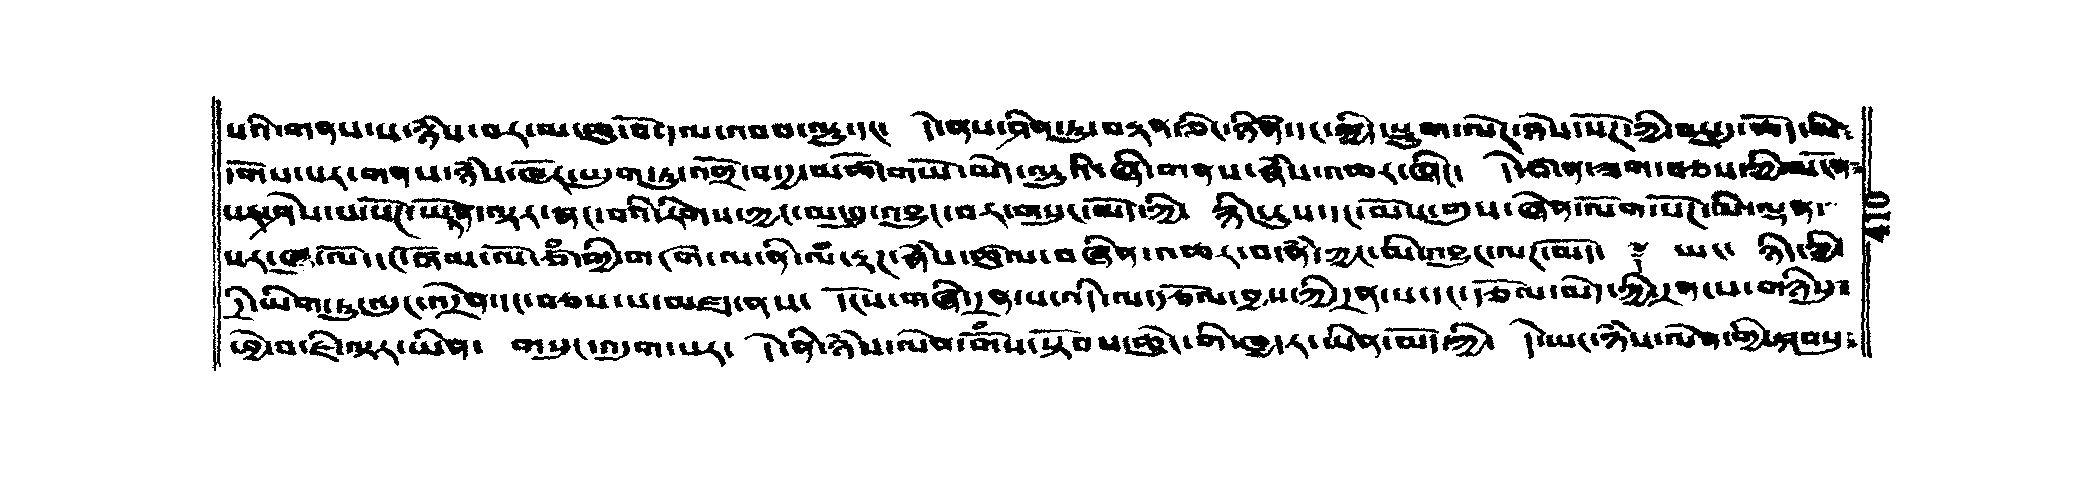པའི་གནས་པ་ཉམས་བར་མ་ཆུ་བོ་དལ་འབབ་ཀྱང་། དེ་ནས་ཤིན་ཏུ་བརྟན་ཅིང་ཉིན་མཚན་དང་སྐྱིད་སྡུག་ལེགས་ཉེས་སོགས་ཀྱི་བར་དུ་ཆོད་མི་
དགོས་པར་གནས་ཉམས་ཁོར་ཡུག་ཏུ་འགྲོ་བ་རྒྱ་མཚོ་གཡོ་མེད་ལྟ་བུའི་ཞི་གནས་རྣམས་འཆར་ཞིང་། དེ་ཙ་ན་ཟག་བཅས་ཀྱི་མངོན་
པར་ཤེས་པ་སོགས་ཡོན་ཏན་ལྟར་སྣང་བའི་རིགས་ཀྱང་མ་བུ་འབྱུང་བར་གསུངས་མོད་ཀྱི། རྙིང་རུས་དང་མོས་གུས་ཞེན་ལོག་སོགས་མི་ལྡན་
པར་ཞུ་ལོ་དང་སྒོམ་ལོ་ཙམ་གྱི་གདམས་ངག་ལ་ནི་ལམ་རྟགས་ནི་གདམས་ངག་ལ་ནི་རྟགས་རྣམས་ཚུལ་བཞིན་འཆར་བ་ནམ་ཡང་མི་འབྱུང་ལགས་མོད། ༈ ཡང་། ཉིད་ཀྱི་
དྲི་ཡིག་ཏུ་ལུང་འདྲེན་དང་བཅས་པ་མཛད་ནས། དངོས་གཞི་དྲན་པ་འདི་ལ་རྩོལ་བྱས་ཀྱི་དྲན་པ་དང་རྩོལ་མེད་ཀྱི་དྲན་པ་ཉིས་ས་
ཕྱེ་བ་ཇི་ལྟར་ཡིན་ གསུང་འདུག་པར། དེ་ནི་ཉམས་ལེན་གོམས་སྟོབས་ཆེ་ཆུང་གི་ཁྱད་པར་ཡིན་མོད་ཀྱི། དེ་ཡང་ཉམས་ལེན་གྱི་སྐབས་སུ་